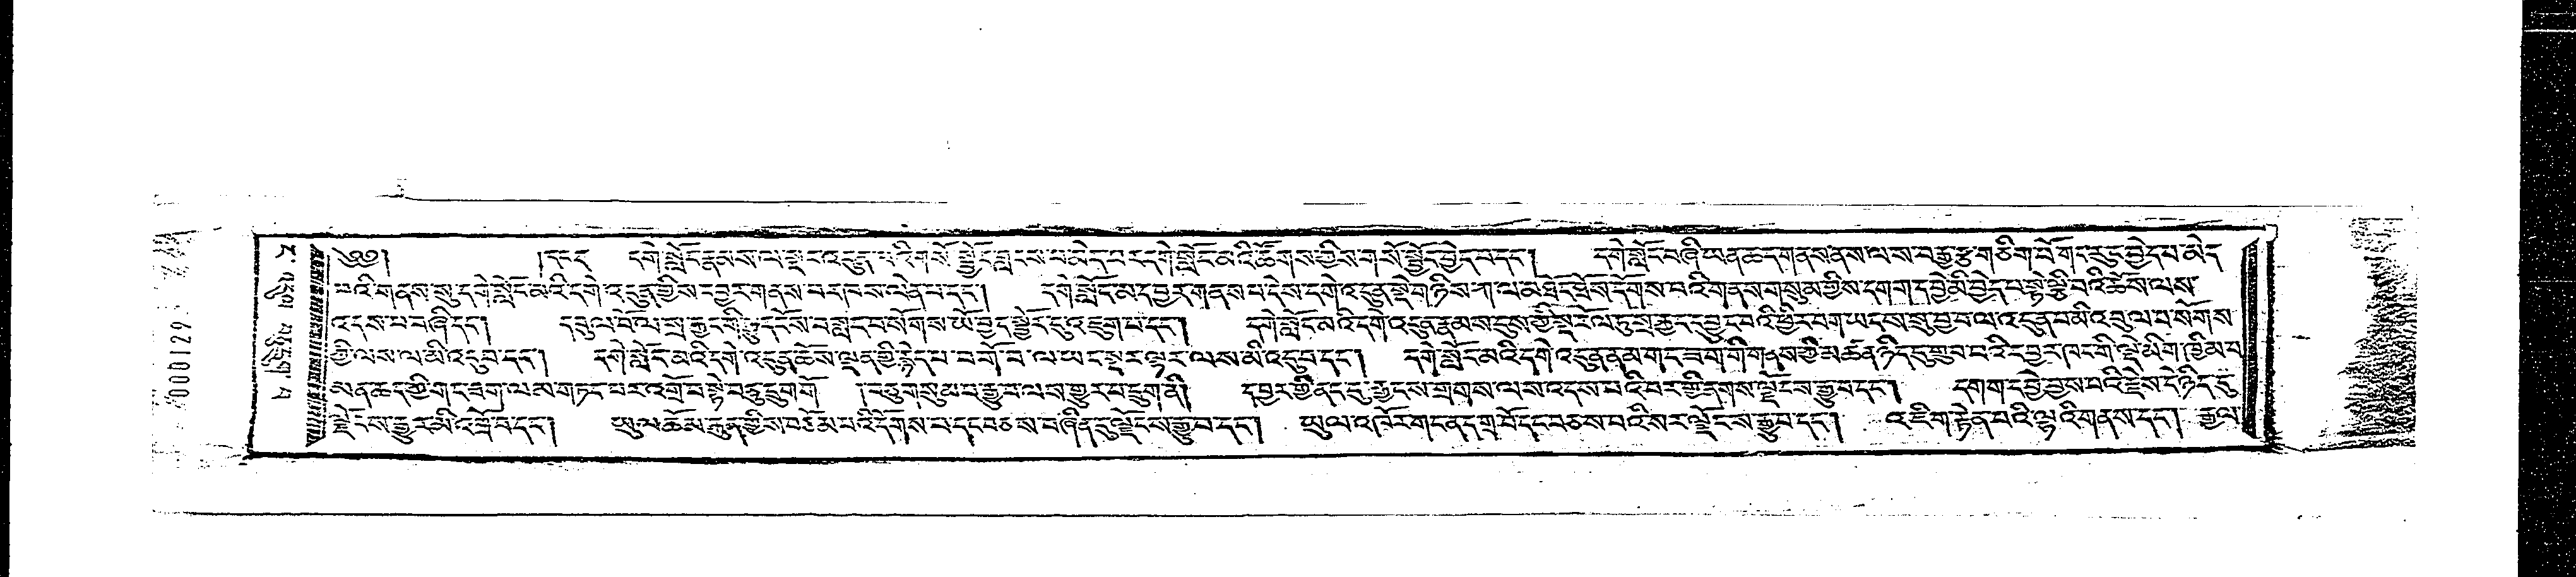༄༅། །དང་། དགེ་སློང་རྣམས་ལ་སྡང་འདུན་པའི་གསོ་སྦྱོང་བླངས་པ་མེད་པར་དགེ་སློང་མའི་ཚོགས་ཀྱིས་གསོ་སྦྱོང་བྱེད་བ་དང་། དགེ་སློང་བཞི་ཡན་ཆད་གནས་ནས་ལས་བརྒྱ་རྩ་གཅིག་པོ་གང་རུང་བྱེད་པ་མེད་
པའི་གནས་སུ་དགེ་སློང་མའི་དགེ་འདུན་གྱིས་དབྱར་གནས་པར་ཁས་ལེན་པ་དང་། དགེ་སློང་མ་དབྱར་གནས་པ་དེས་དགེ་འདུན་སྡེ་གཉིས་ཀ་ལ་མཐོང་ཐོས་དོགས་པའི་གནས་གསུམ་གྱིས་དགག་དབྱེ་མི་བྱེད་པ་སྟེ་ལྕི་བའི་ཆོས་ལས་
འདས་པ་བཞི་དང་། དབུལ་བོ་ལ་སྲ་རྐྱང་གི་རྒྱུ་དངོས་བསླང་བ་སོགས་ཡོ་བྱད་སྦྱོར་དུ་འཇུག་པ་དང་། དགེ་སློང་མའི་དགེ་འདུན་རྣམས་དུས་ཀྱི་སྔ་རོལ་ཏུ་སྲ་རྐྱང་དབྱུང་བའི་ཕྱིར་བག་ཡངས་སུ་བྱ་བ་ལ་འདུན་པ་མི་འབུལ་བ་སོགས་
ཀྱི་ལས་ལ་མི་འདུབ་དང་། དགེ་སློང་མའི་དགེ་འདུན་ཆོས་ལྡན་གྱི་རྙེད་པ་བགོ་བ་ལ་ཡང་སྔར་ལྟར་ལས་མི་འདུབ་དང་། དགེ་སློང་མའི་དགེ་འདུན་ནམ་གང་ཟག་གི་གནས་ཀྱི་མཚན་ཉིད་དུ་གྲུབ་པའི་དབྱར་ཁང་གི་ལྡེ་མིག་ཁྱིམ་པ་
མན་ཆད་ཀྱི་གང་ཟག་ལམ་གཏང་པར་འགྲོ་བ་སྟེ་བཅུ་དྲུག་གོ །བཅུ་གསུམ་པ་རྒྱུ་བ་ལས་གྱུར་པ་དྲུག་ནི། དབྱར་གྱི་ནང་དུ་རྒྱངས་གྲགས་ལས་འདས་པའི་བར་གྱི་ནགས་ལྗོངས་རྒྱུ་བ་དང་། དགག་དབྱེ་བྱས་པའི་རྗེས་དེ་ཉིད་དུ་
ལྗོངས་རྒྱུར་མི་འགྲོ་བ་དང་། ཡུལ་ཆོམ་རྐུན་གྱིས་བཅོམ་པའི་དོགས་པ་དང་བཅས་བཞིན་དུ་ལྗོངས་རྒྱུ་བ་དང་། ཡུལ་འཁོར་གང་ན་དགྲ་བོ་དང་བཅས་པའི་སར་ལྗོངས་རྒྱུ་བ་དང་། འཇིག་རྟེན་པའི་ལྷའི་གནས་དང་། རྒྱལ་